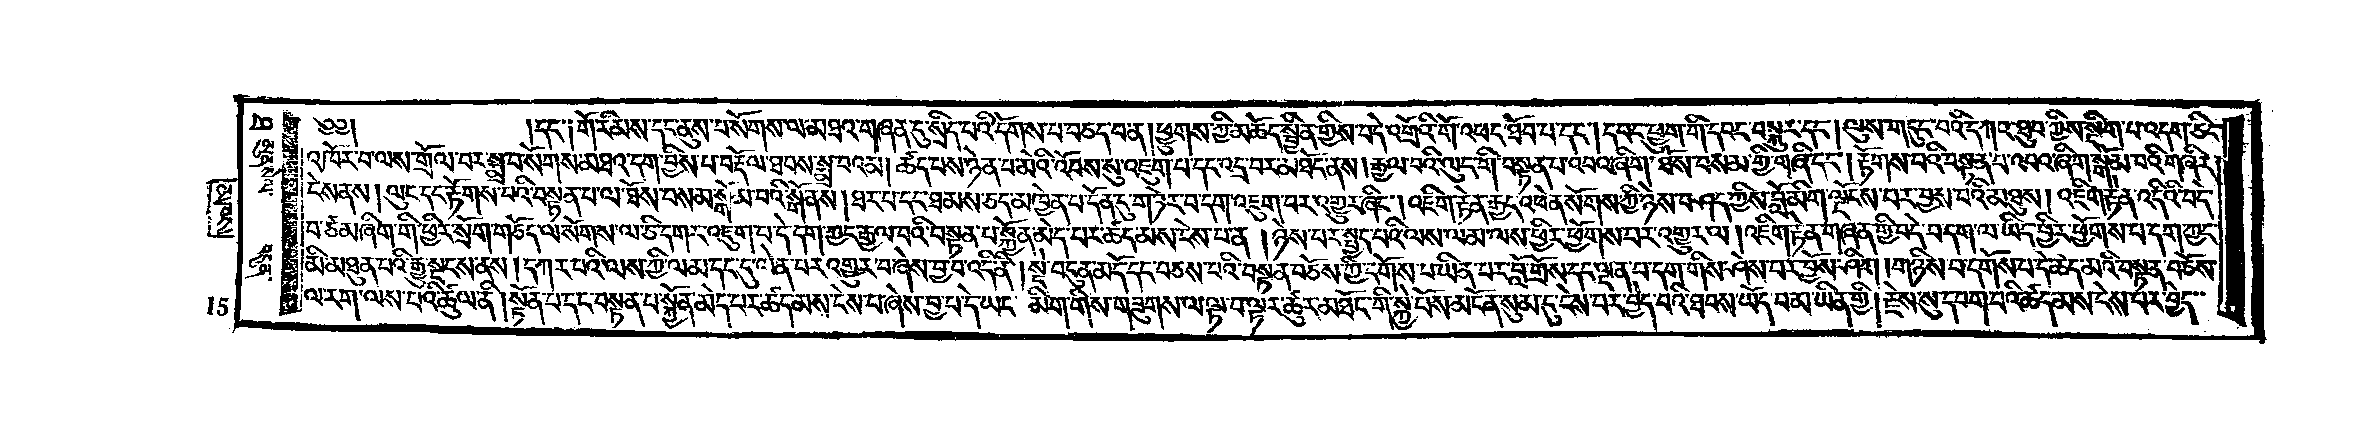༄༅། །དང་། གོ་རིམས་དང་ནུས་པ་སོགས་ལ་མཐའ་གཞན་དུ་སྲིད་པའི་དོགས་པ་བཅད་པ་ན། ཕྱུགས་ཀྱི་མཆོད་སྦྱིན་གྱིས་བདེ་འགྲོའི་གོ་འཕང་ཐོབ་པ་དང་། དབང་ཕྱུག་གི་དབང་བསྐུར་དང་། ལུས་གདུང་བའི་དཀའ་ཐུབ་ཀྱིས་སྡིག་པ་འདག་ཅིང་
འཁོར་བ་ལས་གྲོལ་བར་སྨྲ་བ་སོགས་མཐའ་དག་བྱིས་པ་བརྡོལ་ཐབས་སྨྲ་བའམ། ཚད་པས་ཉེན་པ་མེའི་འོབས་སུ་འཇུག་པ་དང་འདྲ་བར་མཐོང་ནས། རྒྱལ་བའི་ལུང་གི་བསྟན་པ་འབའ་ཞིག་ཐོས་བསམ་གྱི་གཞི་དང་། རྟོགས་པའི་བསྟན་པ་འབའ་ཞིག་སྒོམ་པའི་གཞིར་
ངེས་ནས། ལུང་དང་རྟོགས་པའི་བསྟན་པ་ལ་ཐོས་བསམ་སྒོམ་པའི་སྒོ་ནས། ཐར་པ་དང་ཐམས་ཅད་མཁྱེན་པ་དོན་དུ་གཉེར་བ་དག་འཇུག་པར་འགྱུར་ཞིང་། འཇིག་རྟེན་རྒྱང་འཕེན་སོགས་ཀྱི་ཉེས་བཤད་ཀྱིས་བློ་མིག་ལྡོངས་པར་བྱས་པའི་མཐུས། འཇིག་རྟེན་འདིའི་བདེ་
བ་ཙམ་ཞིག་གི་ཕྱིར་སྲོག་གཅོད་ལ་སོགས་ལ་ཅི་དགར་འཇུག་པ་དེ་དག་ཀྱང་རྒྱལ་བའི་བསྟན་པ་སྐྱོན་མེད་པར་ཚད་མས་ངེས་པ་ན། ཉེས་པར་སྤྱད་པའི་ལས་ལམ་ལས་ཕྱིར་ཕྱོགས་པར་འགྱུར་ལ། འཇིག་རྟེན་གཞན་གྱི་བདེ་བ་དག་ལ་ཡིད་ཕྱིར་ཕྱོགས་པ་དག་ཀྱང་
མི་མཐུན་པའི་རྒྱུ་སྡངས་ནས། དཀར་པའི་ལས་ཀྱི་ལམ་དང་དུ་ལེན་པར་འགྱུར་བ་ཞེས་བྱ་བ་འདི་ནི། སྡེ་བདུན་མདོ་དང་བཅས་པའི་བསྟན་བཅོས་ཀྱི་དགོས་པ་ཡིན་པར་བློ་གྲོས་དང་ལྡན་པ་དག་གིས་ཤེས་པར་བྱོས་ཤིག། གཉིས་པ་དགོས་པ་དེ་ཚད་མའི་བསྟན་བཅོས་
ལ་རག་ལས་པའི་ཚུལ་ནི། སྟོན་པ་དང་བསྟན་པ་སྐྱོན་མེད་པར་ཚད་མས་ངེས་པ་ཞེས་བྱ་བ་དེ་ཡང་མིག་གིས་གཟུགས་ལ་ལྟ་བ་ལྟར་ཚུར་མཐོང་གི་སྐྱེ་བོས་མངོན་སུམ་དུ་ངེས་པར་བྱེད་པའི་ཐབས་ཡོད་པ་མ་ཡིན་གྱི། རྗེས་སུ་དཔག་པའི་ཚད་མས་ངེས་པར་བྱེད་